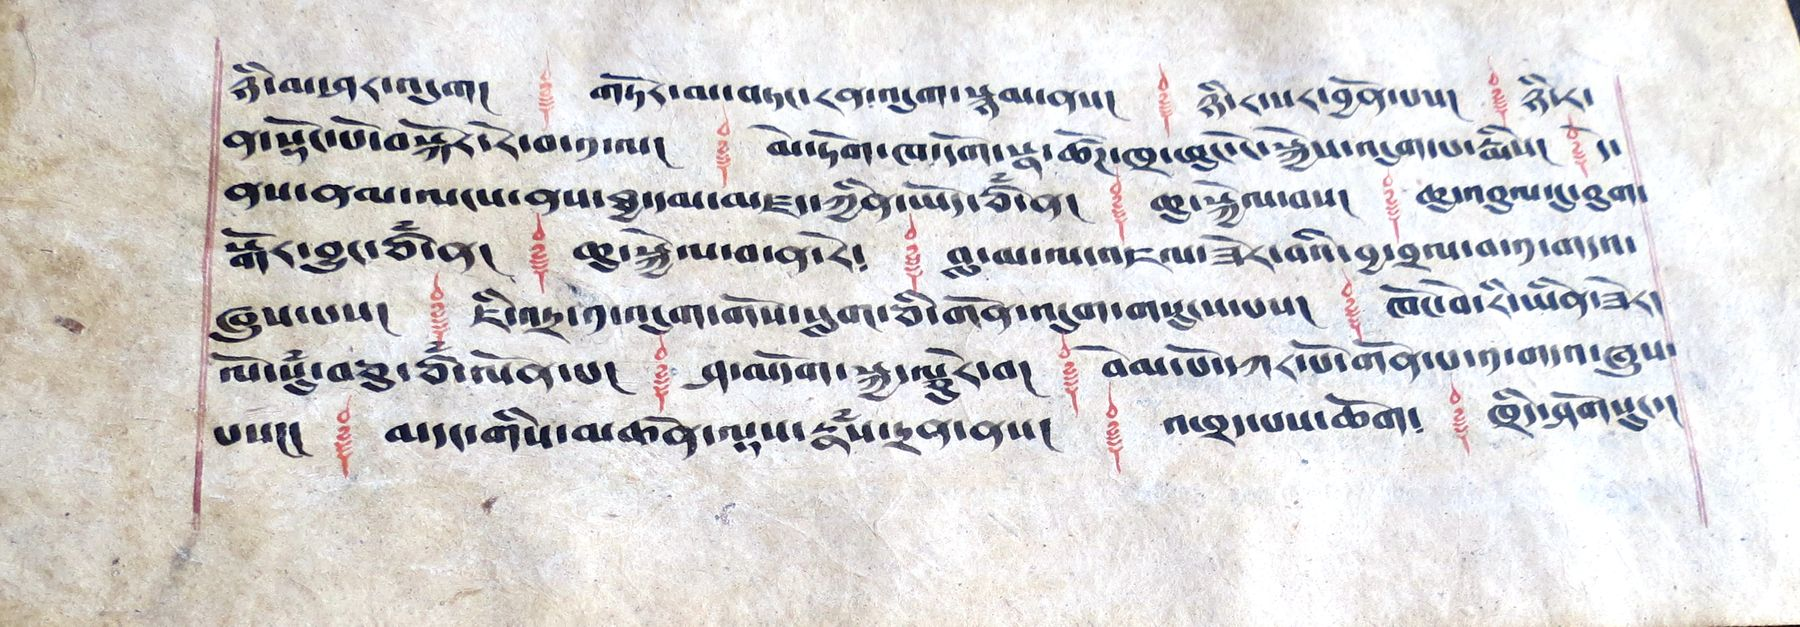ཉི་མ་ཤར་འདུག་གཏོར་མ་བཏང་རན་འདུག་སྙམ་ནས། ཉི་རར་བྱོན་པས་ཉི་ར
ར་སྡོང་པོ་བསྐོར་རེ་བ་ཞིག་ལ། མེ་ཏོག་ཁ་དོག་སྣ་ཚོགས་ཁྲ་ཕུང་ངེ་སྐྱེས་འདུག་པ་རྨིས། དེ་
ནས་ནམ་ལངས་ནས་ཐུགས་དམ་མཛད་ཅིང་ཡོད་ཙམ་ན། ཆུ་འབུལ་དུ་བུག་
སྒོར་བྱུང་ཙམ་ན། ཆུ་སྐྱེལ་བ་ན་རེ་བླ་མ་ལ་མཇལ་ཟེར་བའི་བྱ་བྲལ་བ་ཞིག་གདའ་
ཞུས་པས། ཅི་འདྲ་ཞིག་འདུག་གོས་སླག་ཅི་གོན་འདུག་གསུངས་པས། ཁོང་བི་རི་ཡིན་ཟེར། 
ལོ་སུམ་ཅུ་ཙམ་ལོན་པ། ཤ་མདོག་སྐྱ་འུ་རེ་བ། བེམ་པོ་དཀར་པོ་ཅན་ཞིག་གདའ་ཞུས་
པས། མདང་གི་མཚན་ལྟས་རྣམས་དྲན་ནས། འཕྲད་པས་ཆོག་ཁྲིད་ལ་ཤོག་གསུངས།